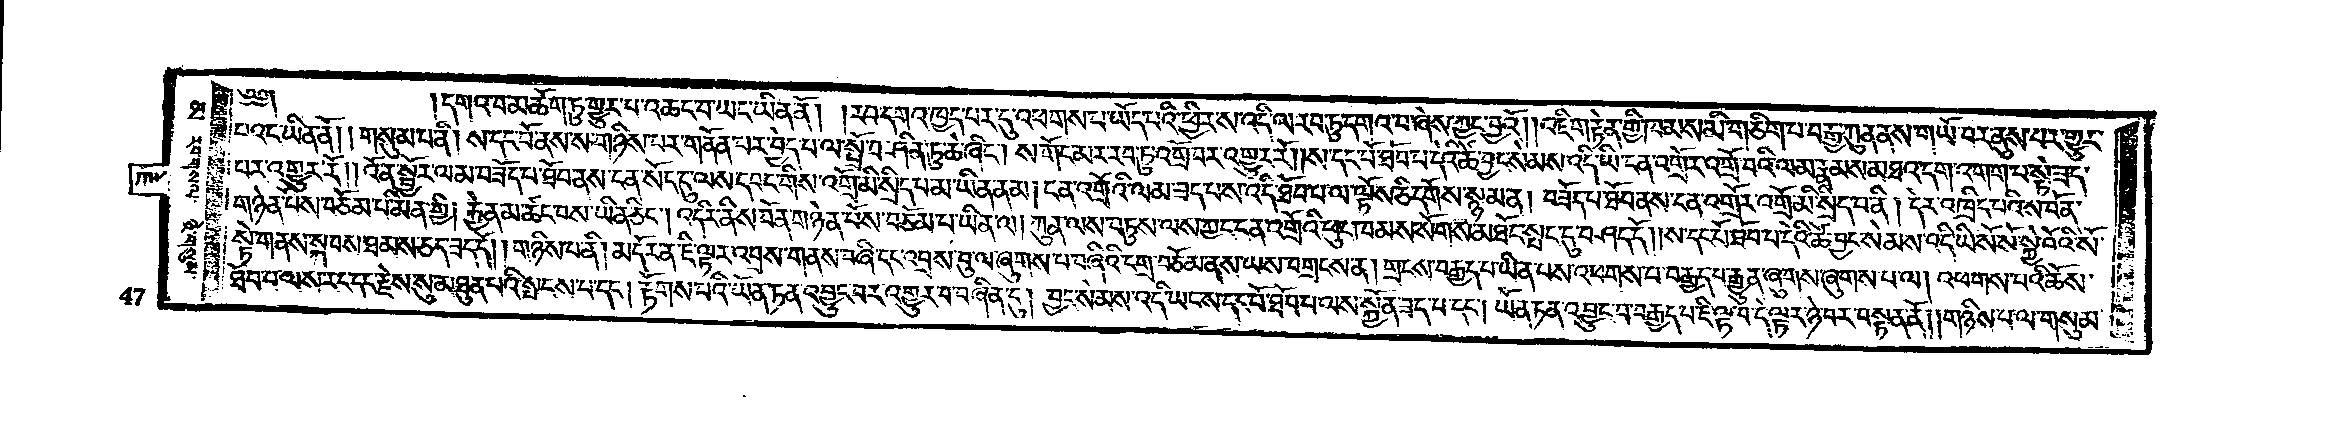༄༅། །དགའ་བ་མཆོག་ཏུ་གྱུར་པ་འཆང་བ་ཡང་ཡིན་ནོ། །རབ་དགའ་ཁྱད་པར་དུ་འཕགས་པ་ཡོད་པའི་ཕྱིར་ས་འདི་ལ་རབ་ཏུ་དགའ་བ་ཞེས་ཀྱང་བྱའོ། །འཇིག་རྟེན་གྱི་ཁམས་མི་གཅིག་པ་བརྒྱ་ཀུན་ནས་གཡོ་བར་ནུས་པར་གྱུར་
པའང་ཡིན་ནོ། །གསུམ་པ་ནི། ས་དང་པོ་ནས་ས་གཉིས་པར་གནོན་པར་བྱེད་པ་ལ་སྤྲོ་བ་ཤིན་ཏུ་ཆེ་ཞིང་། ས་གོང་མར་རབ་ཏུ་འགྲོ་བར་འགྱུར་རོ། །ས་དང་པོ་ཐོབ་པ་དེའི་ཚེ་བྱང་སེམས་འདི་ཡི་ངན་འགྲོར་འགྲོ་བའི་ལམ་རྣམས་མཐའ་དག་འགག་པ་སྟེ་ཟད་
པར་འགྱུར་རོ། །འོ་ན་སྦྱོར་ལམ་བཟོད་པ་ཐོབ་ནས་ངན་སོང་དུ་ལས་དབང་གིས་འགྲོ་མི་སྲིད་པ་མ་ཡིན་ནམ། ངན་འགྲོའི་ལམ་ཟད་པ་ས་འདི་ཐོབ་པ་ལ་ལྟོས་ཅི་དགོས་སྙམ་ན། བཟོད་པ་ཐོབ་ནས་ངན་འགྲོར་འགྲོ་མི་སྲིད་པ་ནི། དེར་འཁྲིད་པའི་ས་བོན་
གཉེན་པོས་བཅོམ་པ་མིན་གྱི། རྐྱེན་མ་ཚང་བས་ཡིན་ཅིང་། འདིར་ནི་ས་བོན་གཉེན་པོས་བཅོམ་པ་ཡིན་ལ། ཀུན་ལས་བཏུས་ལས་ཀྱང་ངན་འགྲོའི་ཕུང་ཁམས་སོགས་མཐོང་སྤང་དུ་བཤད་དོ། །ས་དང་པོ་ཐོབ་པ་དེའི་ཚེ་བྱང་སེམས་འདི་ཡི་སོ་སོ་སྐྱེ་བོའི་ས་
སྟེ་གནས་སྐབས་ཐམས་ཅད་ཟད་དོ། །གཉིས་པ་ནི། མདོར་ན་ཇི་ལྟར་འབྲས་གནས་བཞི་དང་འབྲས་བུ་ལ་ཞུགས་པ་བཞིའི་དགྲ་བཅོམ་ནས་ཡས་བགྲངས་ན། གྲངས་བརྒྱད་པ་ཡིན་པས་འཕགས་པ་བརྒྱད་པ་རྒྱུན་ཞུགས་ཞུགས་པ་ལ། འཕགས་པའི་ཆོས་
ཐོབ་པ་ལས་རང་དང་རྗེས་སུ་མཐུན་པའི་སྤངས་པ་དང་། རྟོགས་པའི་ཡོན་ཏན་འབྱུང་བར་འགྱུར་བ་བཞིན་དུ། བྱང་སེམས་འདི་ཡང་ས་དང་པོ་ཐོབ་པ་ལས་སྐྱོན་ཟད་པ་དང་། ཡོན་ཏན་འབྱུང་བ་བརྒྱད་པ་ཇི་ལྟ་བ་དེ་ལྟར་ཉེ་བར་བསྟན་ནོ། །གཉིས་པ་ལ་གསུམ་